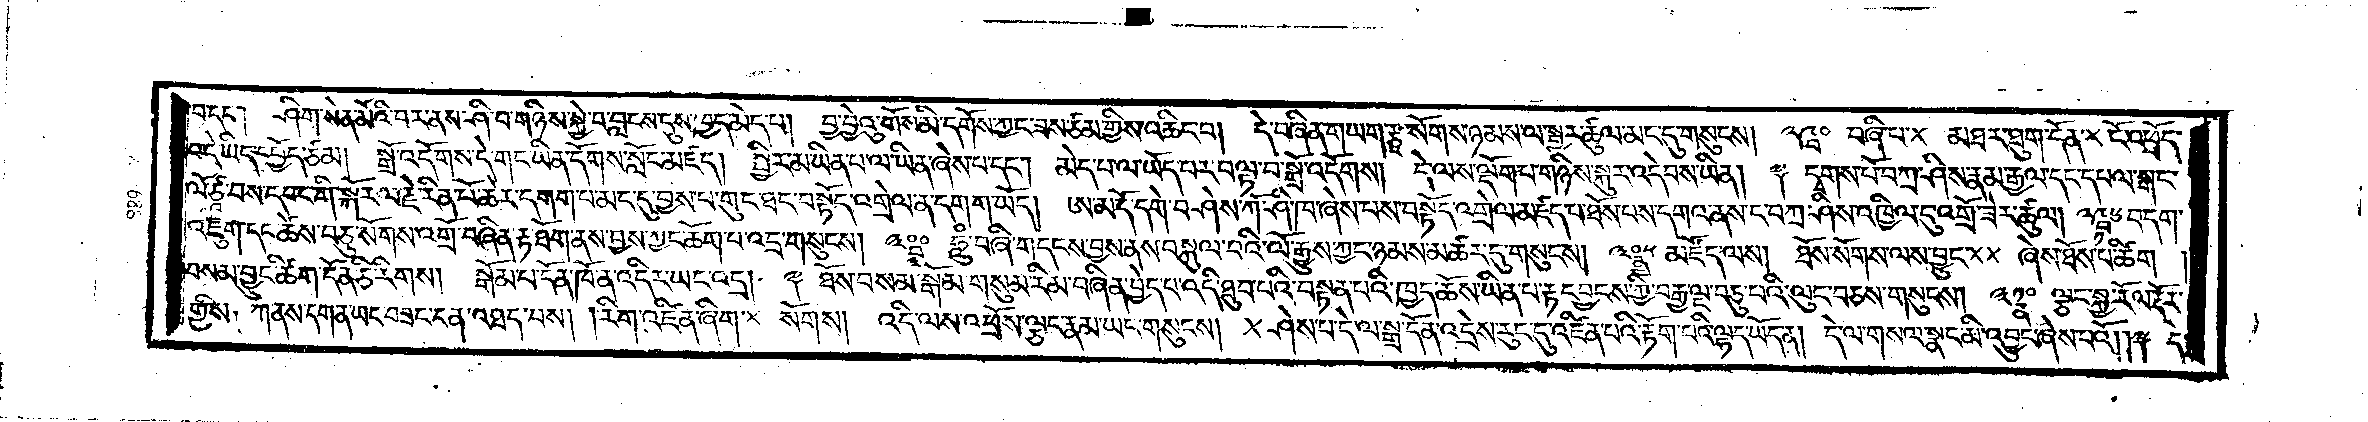བ་དང་། ཤིག་སེན་མོའི་བར་ནས་ཤི་བ་གཉིས་སྐྱེ་བ་བླངས་དུས་བྱད་མེད་པ། བྱ་བྱེའུ་གོས་མི་དགོས་ཀྱང་ཟས་ཙམ་གྱིས་འཆིང་བ། དེ་བཞིན་གཡག་རྩྭ་སོགས་ཉམས་ལ་སྦྱར་ཚུལ་མང་དུ་གསུངས། ༢༩༠བ་བཞི་པ་྾་མཐར་ཐུག་དོན་྾་ངོ་འཕྲོད་
འདེ་ཡིད་དཔྱོད་ཙམ། སྒྲོ་འདོགས་དེ་གང་ཡིན་དོགས་སློང་མཛད། སྤྱིར་མ་ཡིན་པ་ལ་ཡིན་ཞེས་པ་དང་། མེད་པ་ལ་ཡོད་པར་བལྟ་བ་སྒྲོ་འདོགས། དེ་ལས་ལྡོག་པ་གཉིས་སྐུར་འདེབས་ཡིན། ༈ དྭགས་པོ་བཀྲ་ཤིས་རྣམ་རྒྱལ་དང་དཔལ་སྒང་
ལོ་ཙཱ་བས་དབང་གི་སྐོར་ལ་རྗེ་རིན་པོ་ཆེར་དགག་པ་མང་དུ་བྱས་པ་གུང་ཐང་བསྟོད་འགྲེལ་ན་དགག་ཡོད། ཨ་མདོ་དགེ་བཤེས་ཀོ་ཤི་ཁ་ཞེས་པས་བསྟོད་འགྲེལ་མཛད་པ་ཐོས་པས་དགའ་ནས་ང་བཀྲ་ཤིས་འཁྱིལ་དུ་འགྲོ་ཟེར་ཚུལ། ༢༩༦བ༡་བདག་
འཇུག་དང་ཚེས་བཅུ་སོགས་འགྲོ་བཞིན་རྟ་ཐོག་ནས་བྱས་ཀྱང་ཆོག་པ་འདྲ་གསུངས། ༣༠༠བ༣་ཧཱུཾ་བཞི་གདངས་བྱས་ནས་བསྐུལ་བའི་ལོ་རྒྱུས་ཀྱང་ཉམས་མཚར་དུ་གསུངས། ༣༠༥ན༤་མཛོད་ལས། ཐོས་སོགས་ལས་བྱུང་྾་྾་ཞེས་ཐོས་པ་ཚིག །
བསམ་བྱུང་ཚིག་དོན་ཅི་རིགས། སྒོམ་པ་དོན་ཁོ་ན་འདིར་ཡང་འདྲ། ༈ ཐོས་བསམ་སྒོམ་གསུམ་རིམ་བཞིན་བྱེད་པ་འདི་ཐུབ་པའི་བསྟན་པའི་ཁྱད་ཆོས་ཡིན་པ་རྟ་དབྱངས་ཀྱི་བརྒྱ་ལྔ་བཅུ་པའི་ལུང་བཅས་གསུངས། ༣༡༠ན་ལྕང་སྐྱ་རོལ་རྡོར་
གྱིས། ཀ་ནས་དགན་ཡང་བཟང་ངན་འཐད་པས། །རིག་འཛིན་ཞིག་྾་སོགས། འདི་ལས་འཕྲོས་ལྕང་རྣམ་ཡང་གསུངས། ྾་ཤེས་པ་དེ་ལ་སྒྲ་དོན་འདྲེས་རུང་དུ་འཛིན་པའི་རྟོག་པའི་ལྷད་ཡོད་ན། དེ་ལ་གསལ་སྣང་མི་འབྱུང་ཞེས་པའོ། །༈ དེ་